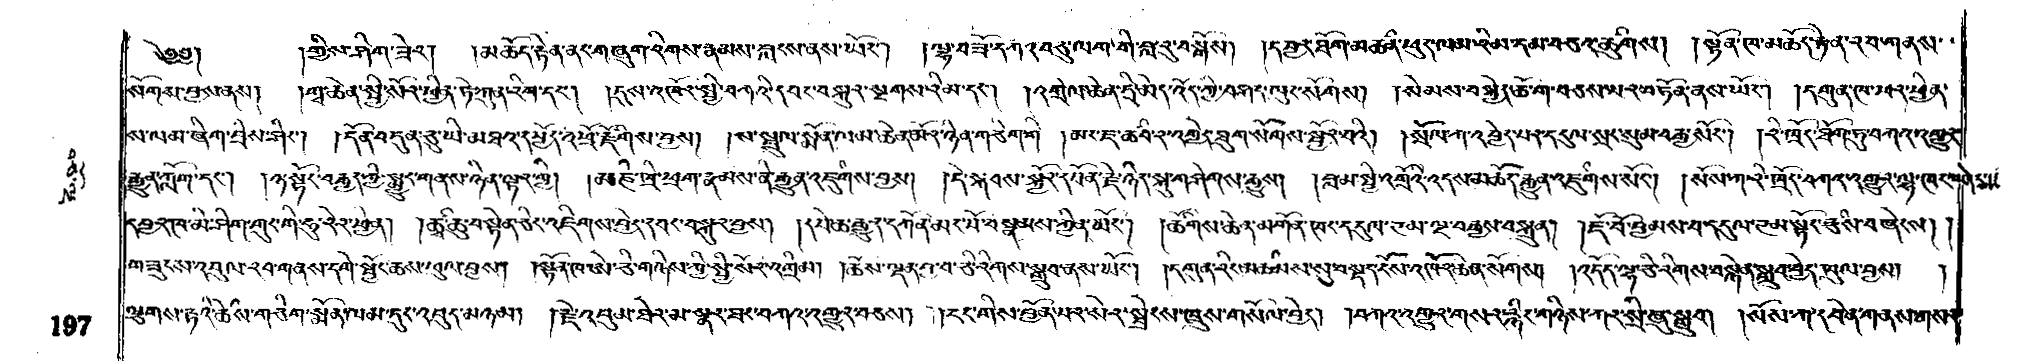༄༅། །གྱིས་ཤིག་ཟེར། །མཆོད་རྟེན་ནང་གཞུག་རིགས་རྣམས་བླངས་ནས་ཡོང་། །ལྷ་བཟོ་དཀའ་བཅུ་ལག་གི་བླ་རུ་བསྒོས། །དབྱར་ཐོག་མཚན་ཕུད་ལམ་རིམ་དམ་བཅའ་ཚུགས། །སྟོན་ཁ་མཆོད་རྟེན་རབ་གནས་
སོགས་བྱས་ནས། །གྭ་ཆེན་སྤྱི་སོར་ཕྱིན་ཏེ་ཀུན་རིག་དང་། །དུས་འཁོར་སྤྱི་བཀའི་དབང་བསྐུར་སྔགས་རིམ་དང་། །འགྲེལ་ཆེན་དྲི་མེད་འོད་ཀྱི་བཤད་ལུང་སོགས། །སེམས་བསྐྱེད་ཆོ་ག་བཅས་པར་བཏོན་ནས་ཡོང་། །དགུན་ཁ་ཕར་ཕྱིན་
ས་ལམ་ཞིག་བྲིས་ཤིང་། །དོན་བདུན་ཅུ་ཡི་མཐའ་དཔྱོད་འཕྲོ་རྫོགས་བྱས། །ས་སྦྲུལ་སྨོན་ལམ་ཆེན་མོར་ཉིན་གཅིག་གི །མང་ཇ་ཚབ་ར་འགྱེད་ཐུག་སོགས་སྦྱོར་བའི། །སྲོལ་ཀ་འབྱེད་པར་དངུལ་སྲང་སུམ་བརྒྱ་སོང་། །རི་ཁྲོད་ཐོག་ཏུ་བཀའ་འགྱུར་
རྒྱུན་ཀློག་དང་། །ཉ་སྟོང་བརྒྱད་ཀྱི་སྨྱུར་གནས་ཉིན་ལྟར་གྱི། །མཎི་ཁྲི་ཕྲག་རྣམས་ནི་རྒྱུན་འཛུགས་བྱས། །དེ་སྐབས་སྐྱོར་དཔོན་རྗེ་ཉིད་སྐུ་གཤེགས་རྒྱུས། །བླ་མ་སྤྱི་འགྲོའི་འདས་མཆོད་རྒྱུན་འཛུགས་སོང་། །སོས་ཀ་རི་ཁྲོད་བཀའ་འགྱུར་ལྷ་ཁང་བཞེངས།།
དབྱར་ཁ་མི་ཤིག་གུང་གི་ཧུ་རེར་ཕྱིན། །ཚྭ་ཆུ་བསྟེན་ཅིང་འཇིགས་བྱེད་དབང་བསྐུར་བྱས། །དཔེ་ཆ་རྒྱུར་དཀོན་མང་པོ་བསྣམས་ཀྱིན་ཡོང་། །ཚོགས་ཆེན་མགོན་ཁང་དངུལ་ཊམ་ལྔ་བརྒྱས་བསྐྲུན། །ཇོ་བོ་བྱམས་བ་དངུལ་ཊམ་སྟོང་རྩས་བཞེངས། །
གཟུངས་འབུལ་རབ་གནས་དགེ་སྦྱོང་ཆས་ཕུལ་བྱས། །སྟོན་ཁ་ཨེ་ཅི་གཉིས་ཀྱི་སྤྱི་སོར་འགྲིམ། །ཆོས་ལྡན་བྱ་བ་ཅི་རིགས་སྒྲུབ་ནས་ཡོང་། །དགུན་རིང་མཚམས་སུ་བསྡད་ངོས་འཁོར་ཆེན་སོགས། །འདོད་ལྷ་ཅི་རིགས་བསྙེན་སྒྲུབ་བྱེད་ཁུལ་བྱས། །
ལྕགས་རྟའི་ཚེས་གཅིག་སྨོན་ལམ་དུང་འབུད་མཉམ། །རྗེ་འབུམ་ཐེར་མ་སྣར་ཐང་བཀའ་འགྱུར་བཅས། །ངང་གིས་བྱོན་པར་སེར་སྦྲེངས་ཁྲུས་གསོལ་བྱེད། །བཀའ་འགྱུར་གསར་རྙིང་གཉིས་ཀར་སྲི་ཞུ་སྒྲུབ། །སོས་ཀ་དབེན་གནས་གསར་